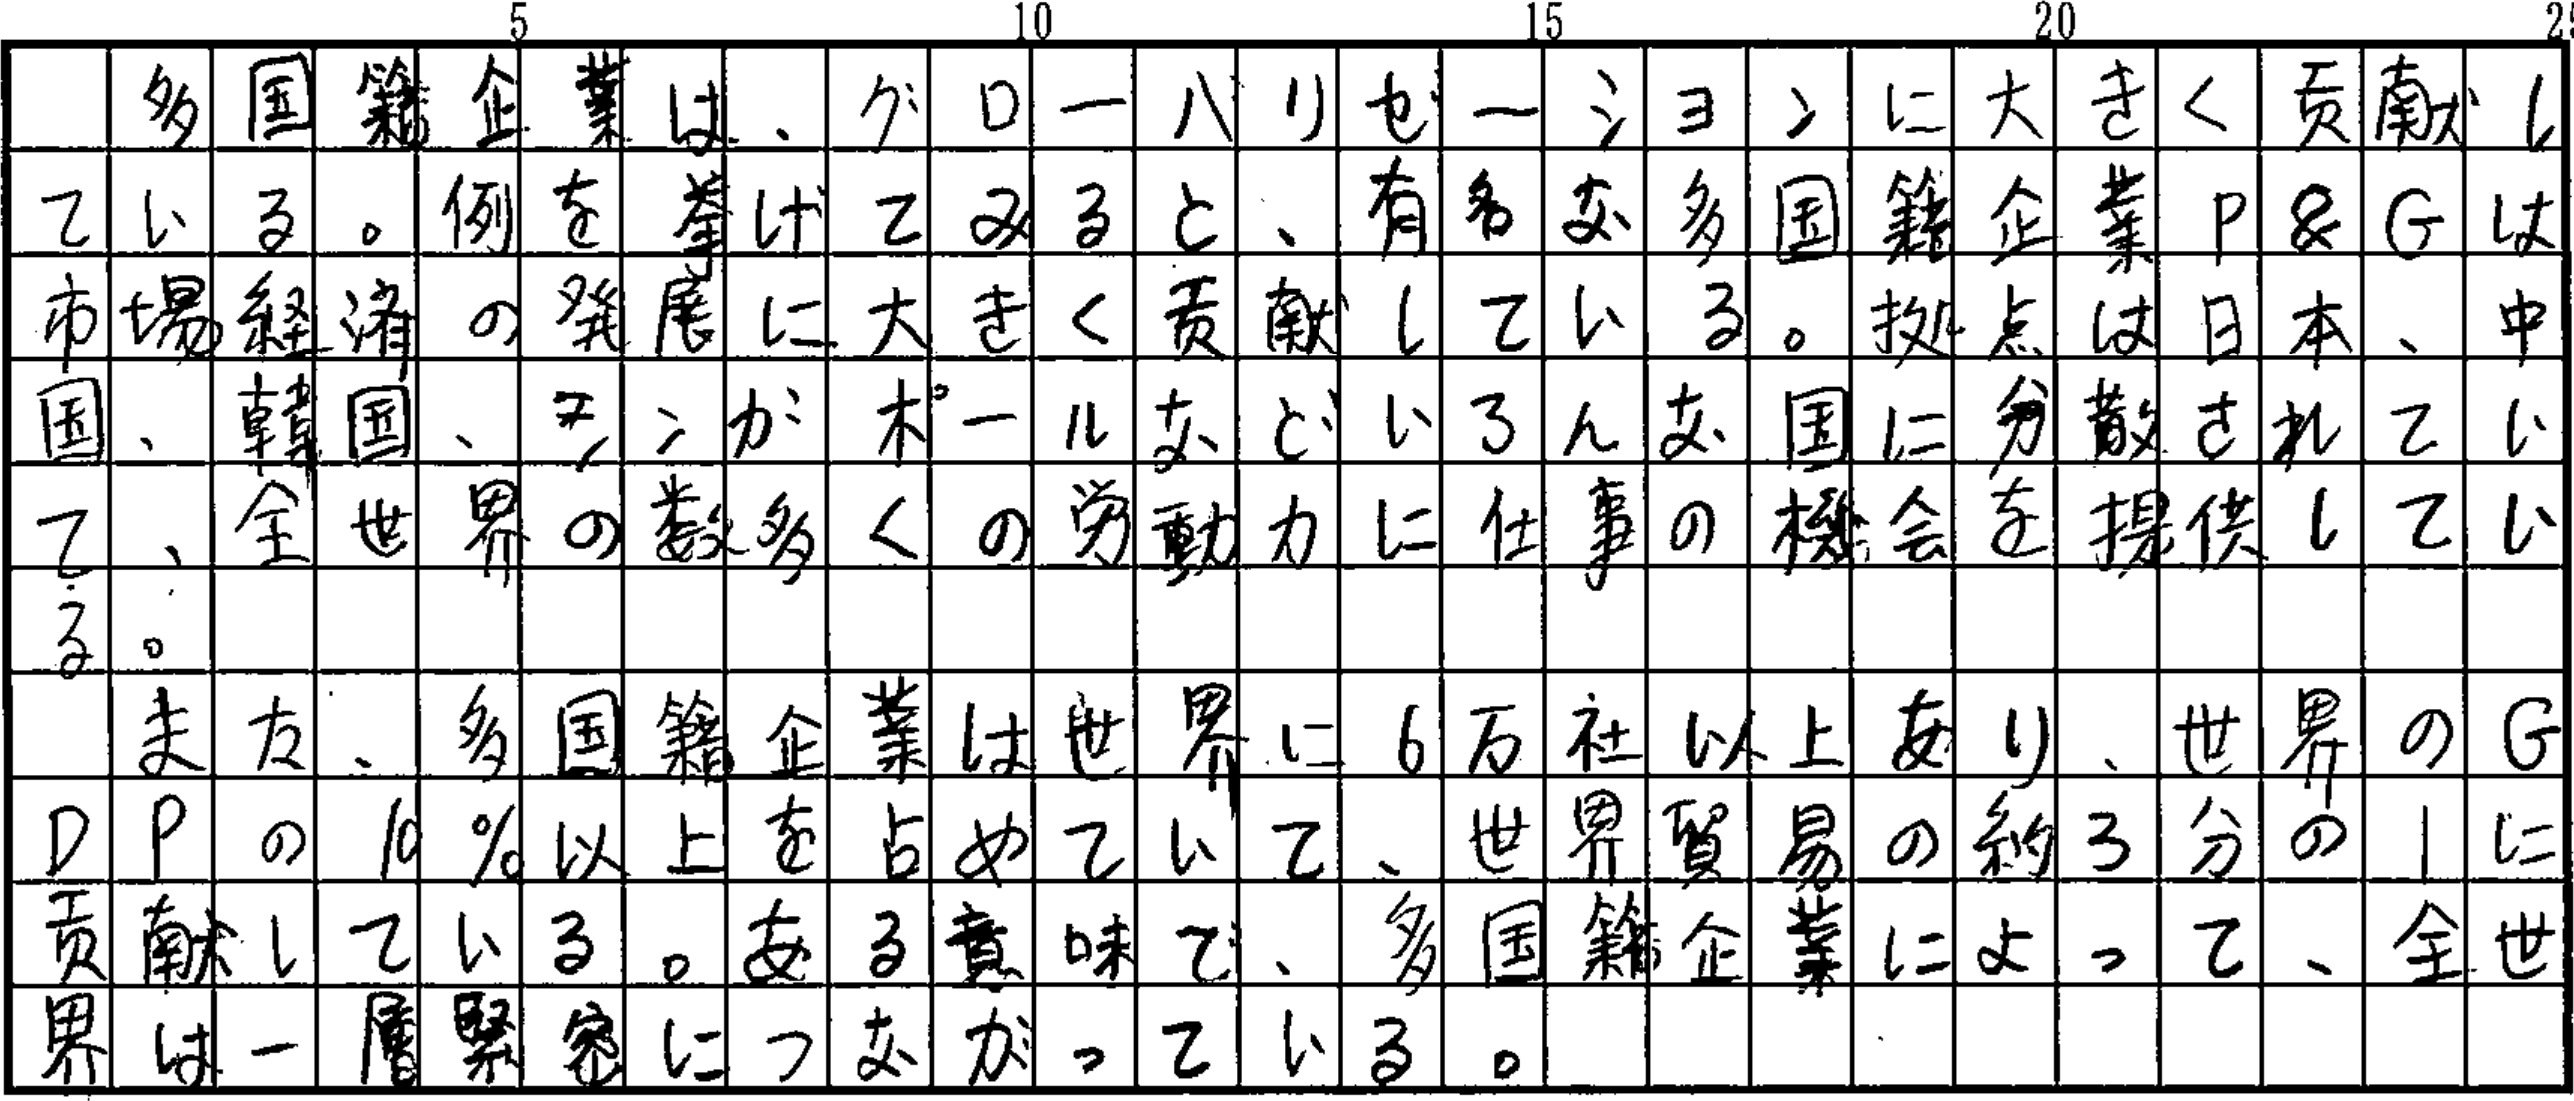　多国籍企業は、グローバリゼーションに大きく貢献している。例を挙げてみると、有名な多国籍企業Ｐ＆Ｇは市場経済の発展に大きく貢献している。拠点は日本、中国、韓国、シンガポールなどいろんな国に分散されていて、全世界の数多くの労動力に仕事の機会を提供している。
　また、多国籍企業は世界に６万社以上あり、世界のＧＤＰの10％以上を占めていて、世界貿易の約３分の１に貢献している。ある意味で、多国籍企業によって、全世界は一層緊密につながっている。
